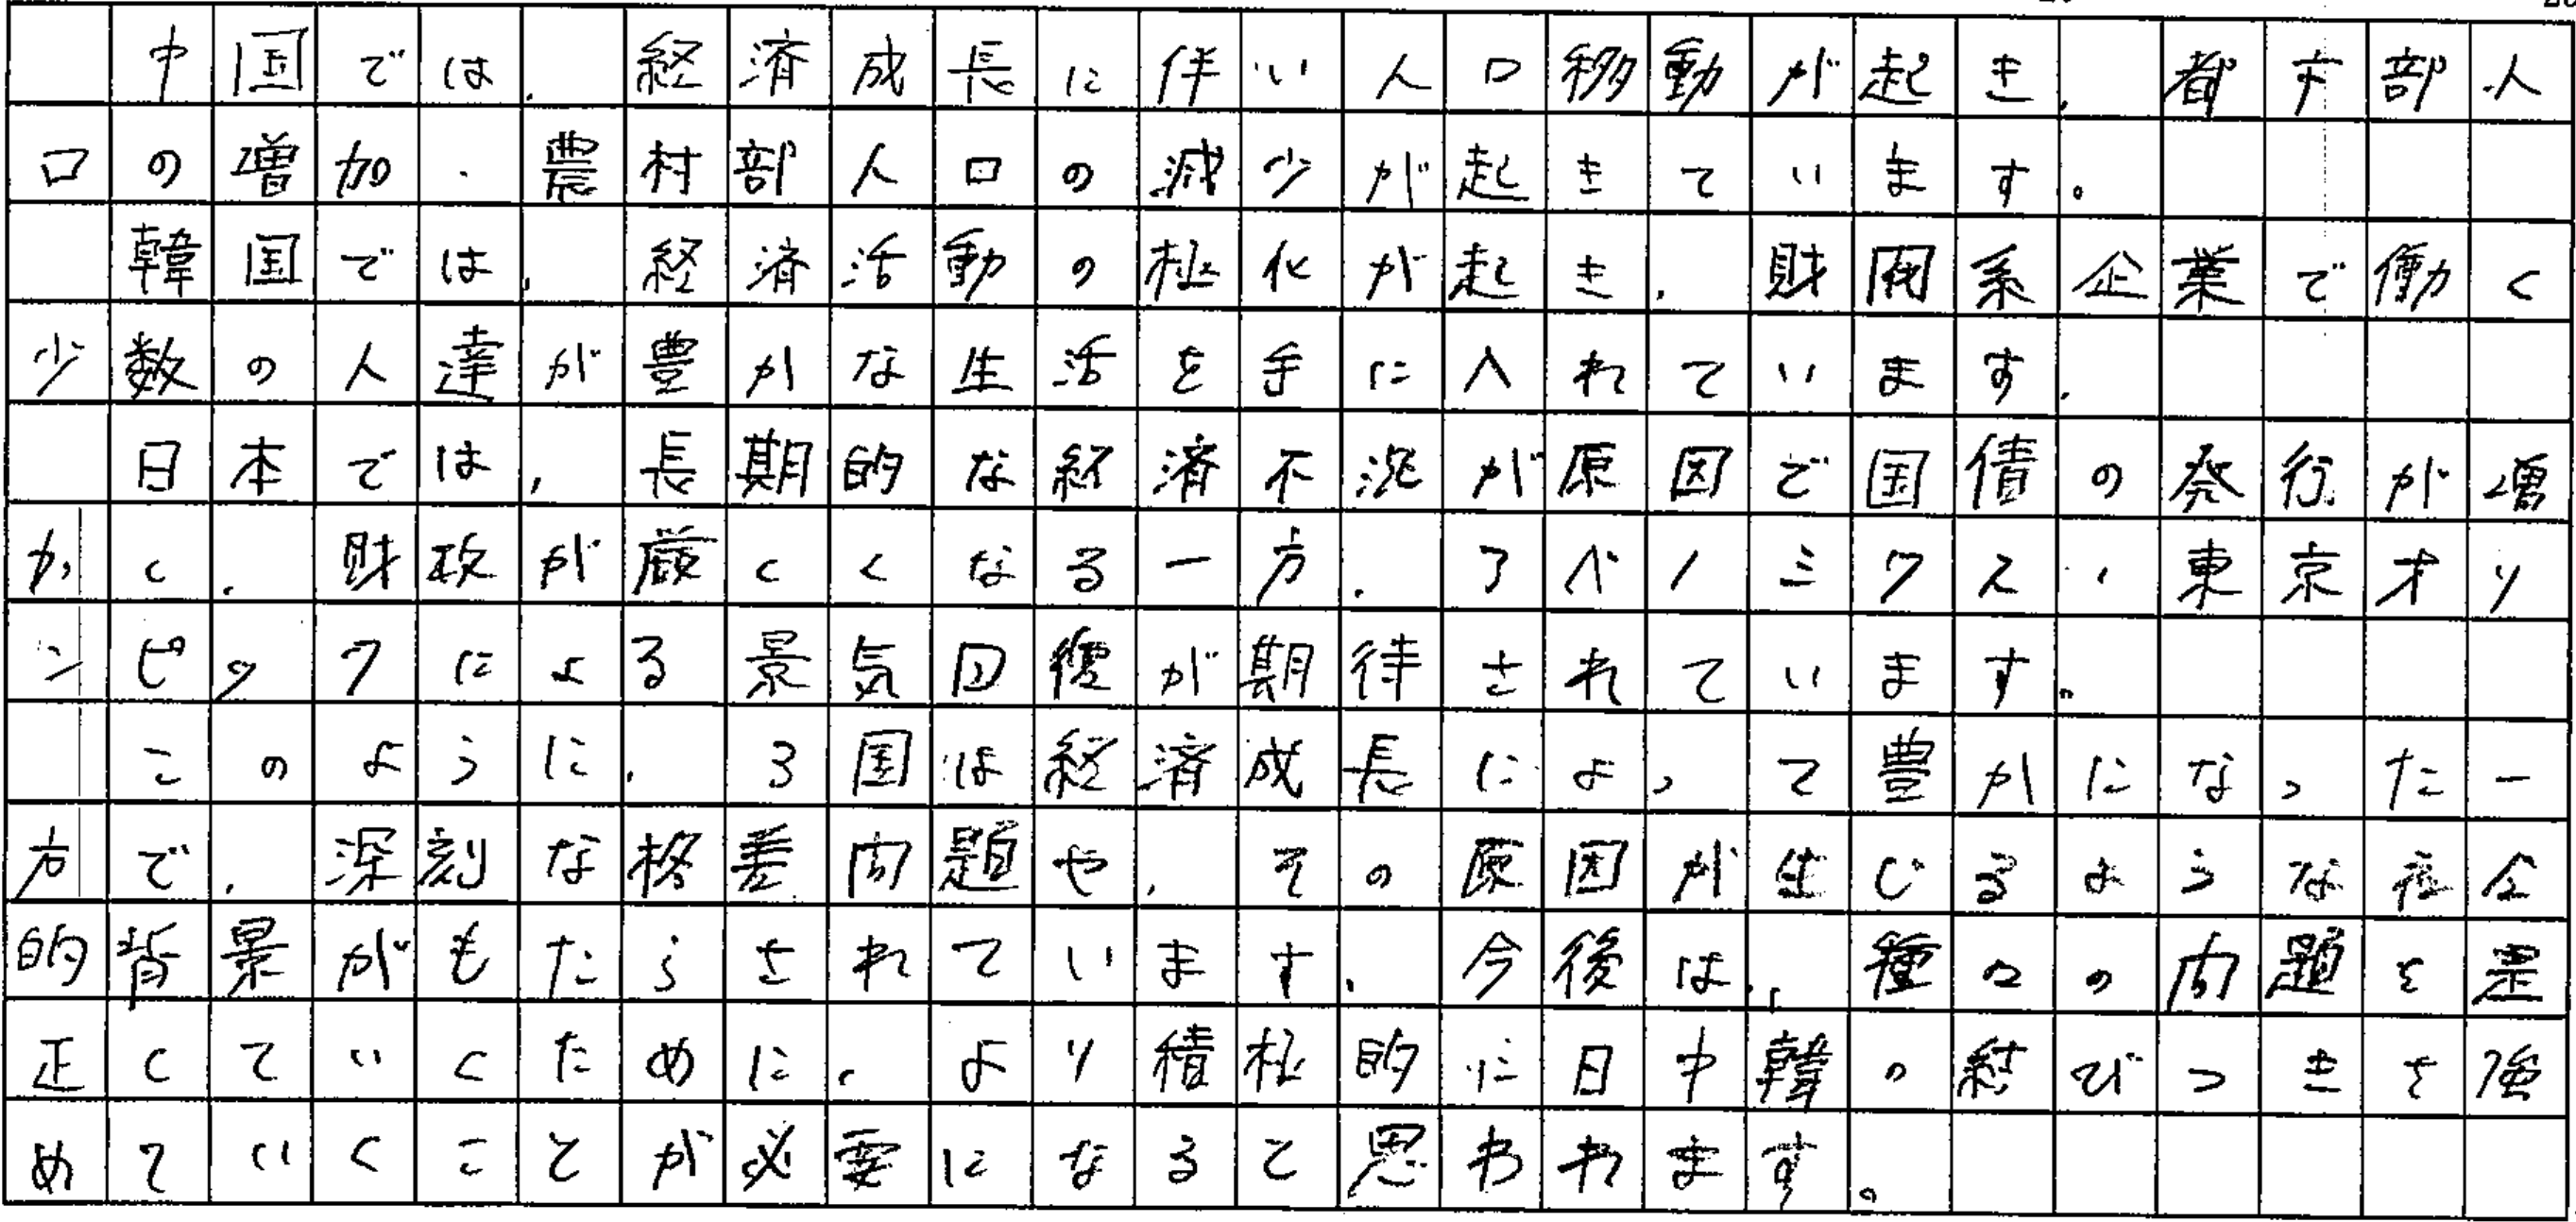　中国では，経済▁長に伴い人口移動が起き，都市部人口の増加・農村部人口の減少が起きています。
　韓国では，経済活動の極化が起き．財▁系企業で働く少数の人達が豊かな生活を手に入れています。
　日本では，長期的な経済不況が原因で国債の発行が増加し，財政が厳しくなる一方．アベノミクス・東京オリンピックによる景気回復が期待されています。
　このように，３国は経済成長によって豊かになった一方で，深刻な格差問題や，その原因が生じるような社会的背景がもたらされています。今後は，種々の問題を是正していくために，より積極的に日中韓の結びつきを強めていくことが必要になると思われます。
